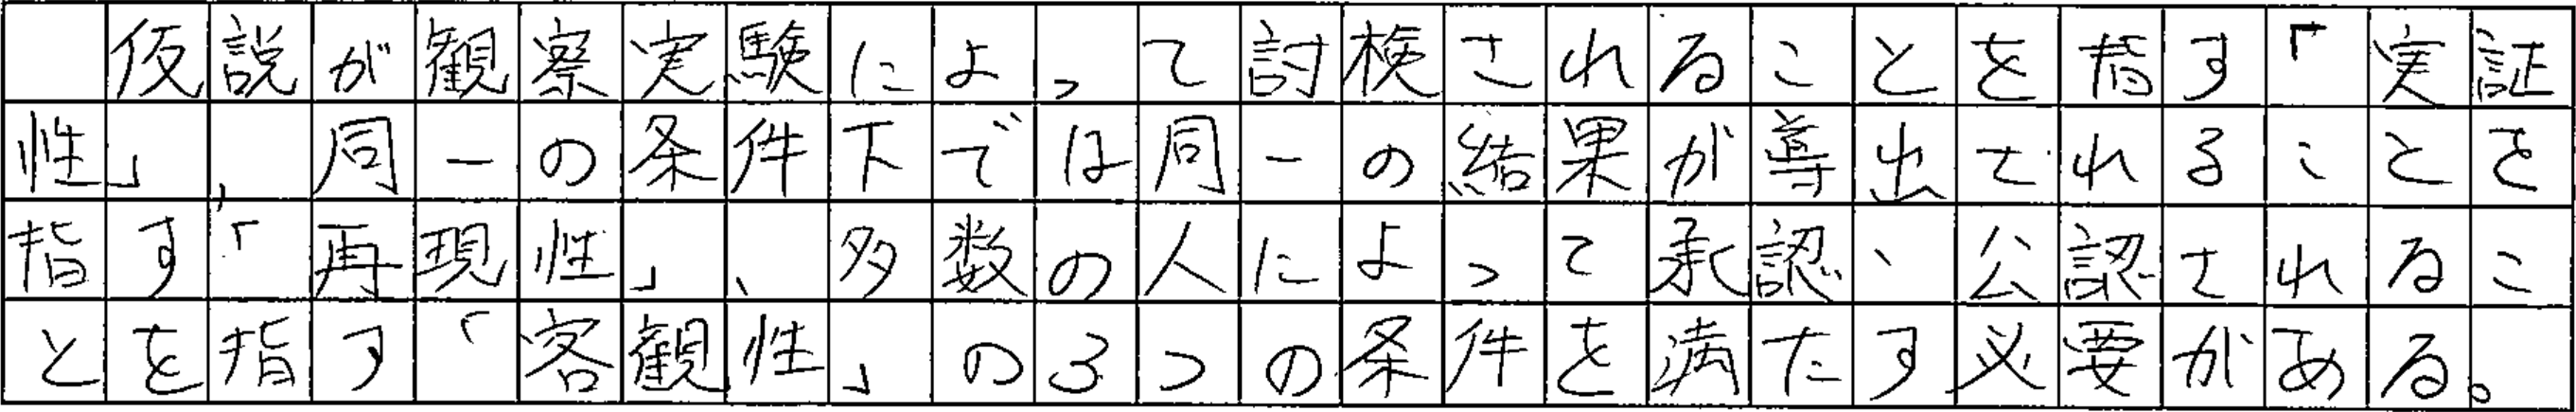　仮説が観察実験によって討検されることを指す「実証性」、同一の条件下では同一の結果が導出されることを指す「再現性」、多数の人によって承認・公認されることを指す「客観性」の３つの条件を満たす必要がある。
